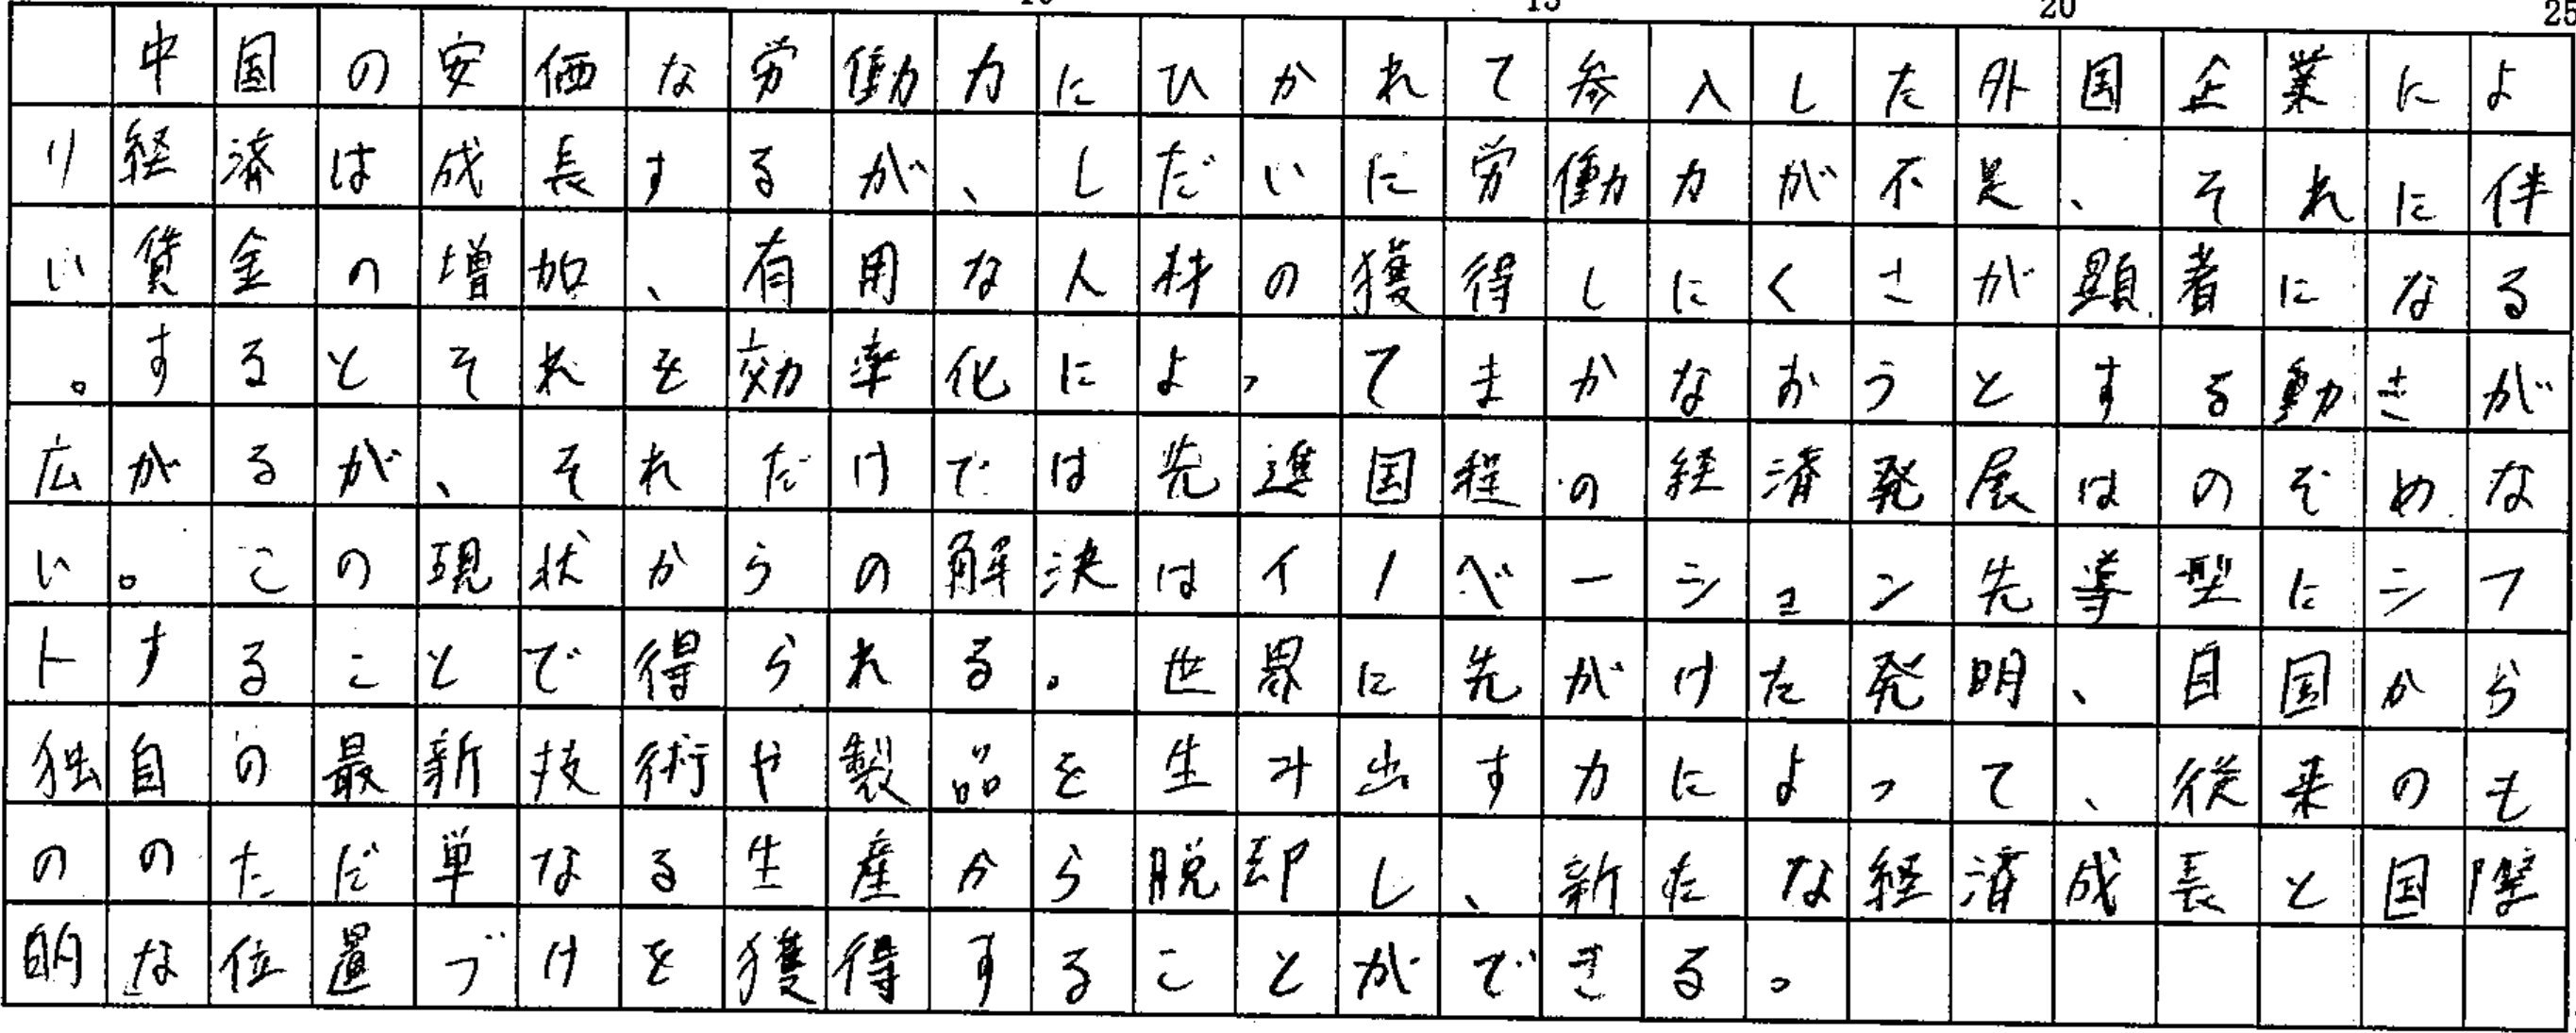　中国の安価な労働力にひかれて参入した外国企業により経済は成長するが、しだいに労働力が不足、それに伴い賃金の増加、有用な人材の獲得しにくさが顕著になる。するとそれを効率化によってまかなおうとする動きが広がるが、それだけでは先進国程の経済発展はのぞめない。この現状からの解決はイノベーション先導型にシフトすることで得られる。世界に先がけた発明、自国から独自の最新技術や製品を生み出す力によって、従来のもののただ単なる生産から脱却し、新たな経済成長と国際的な位置づけを獲得することができる。
